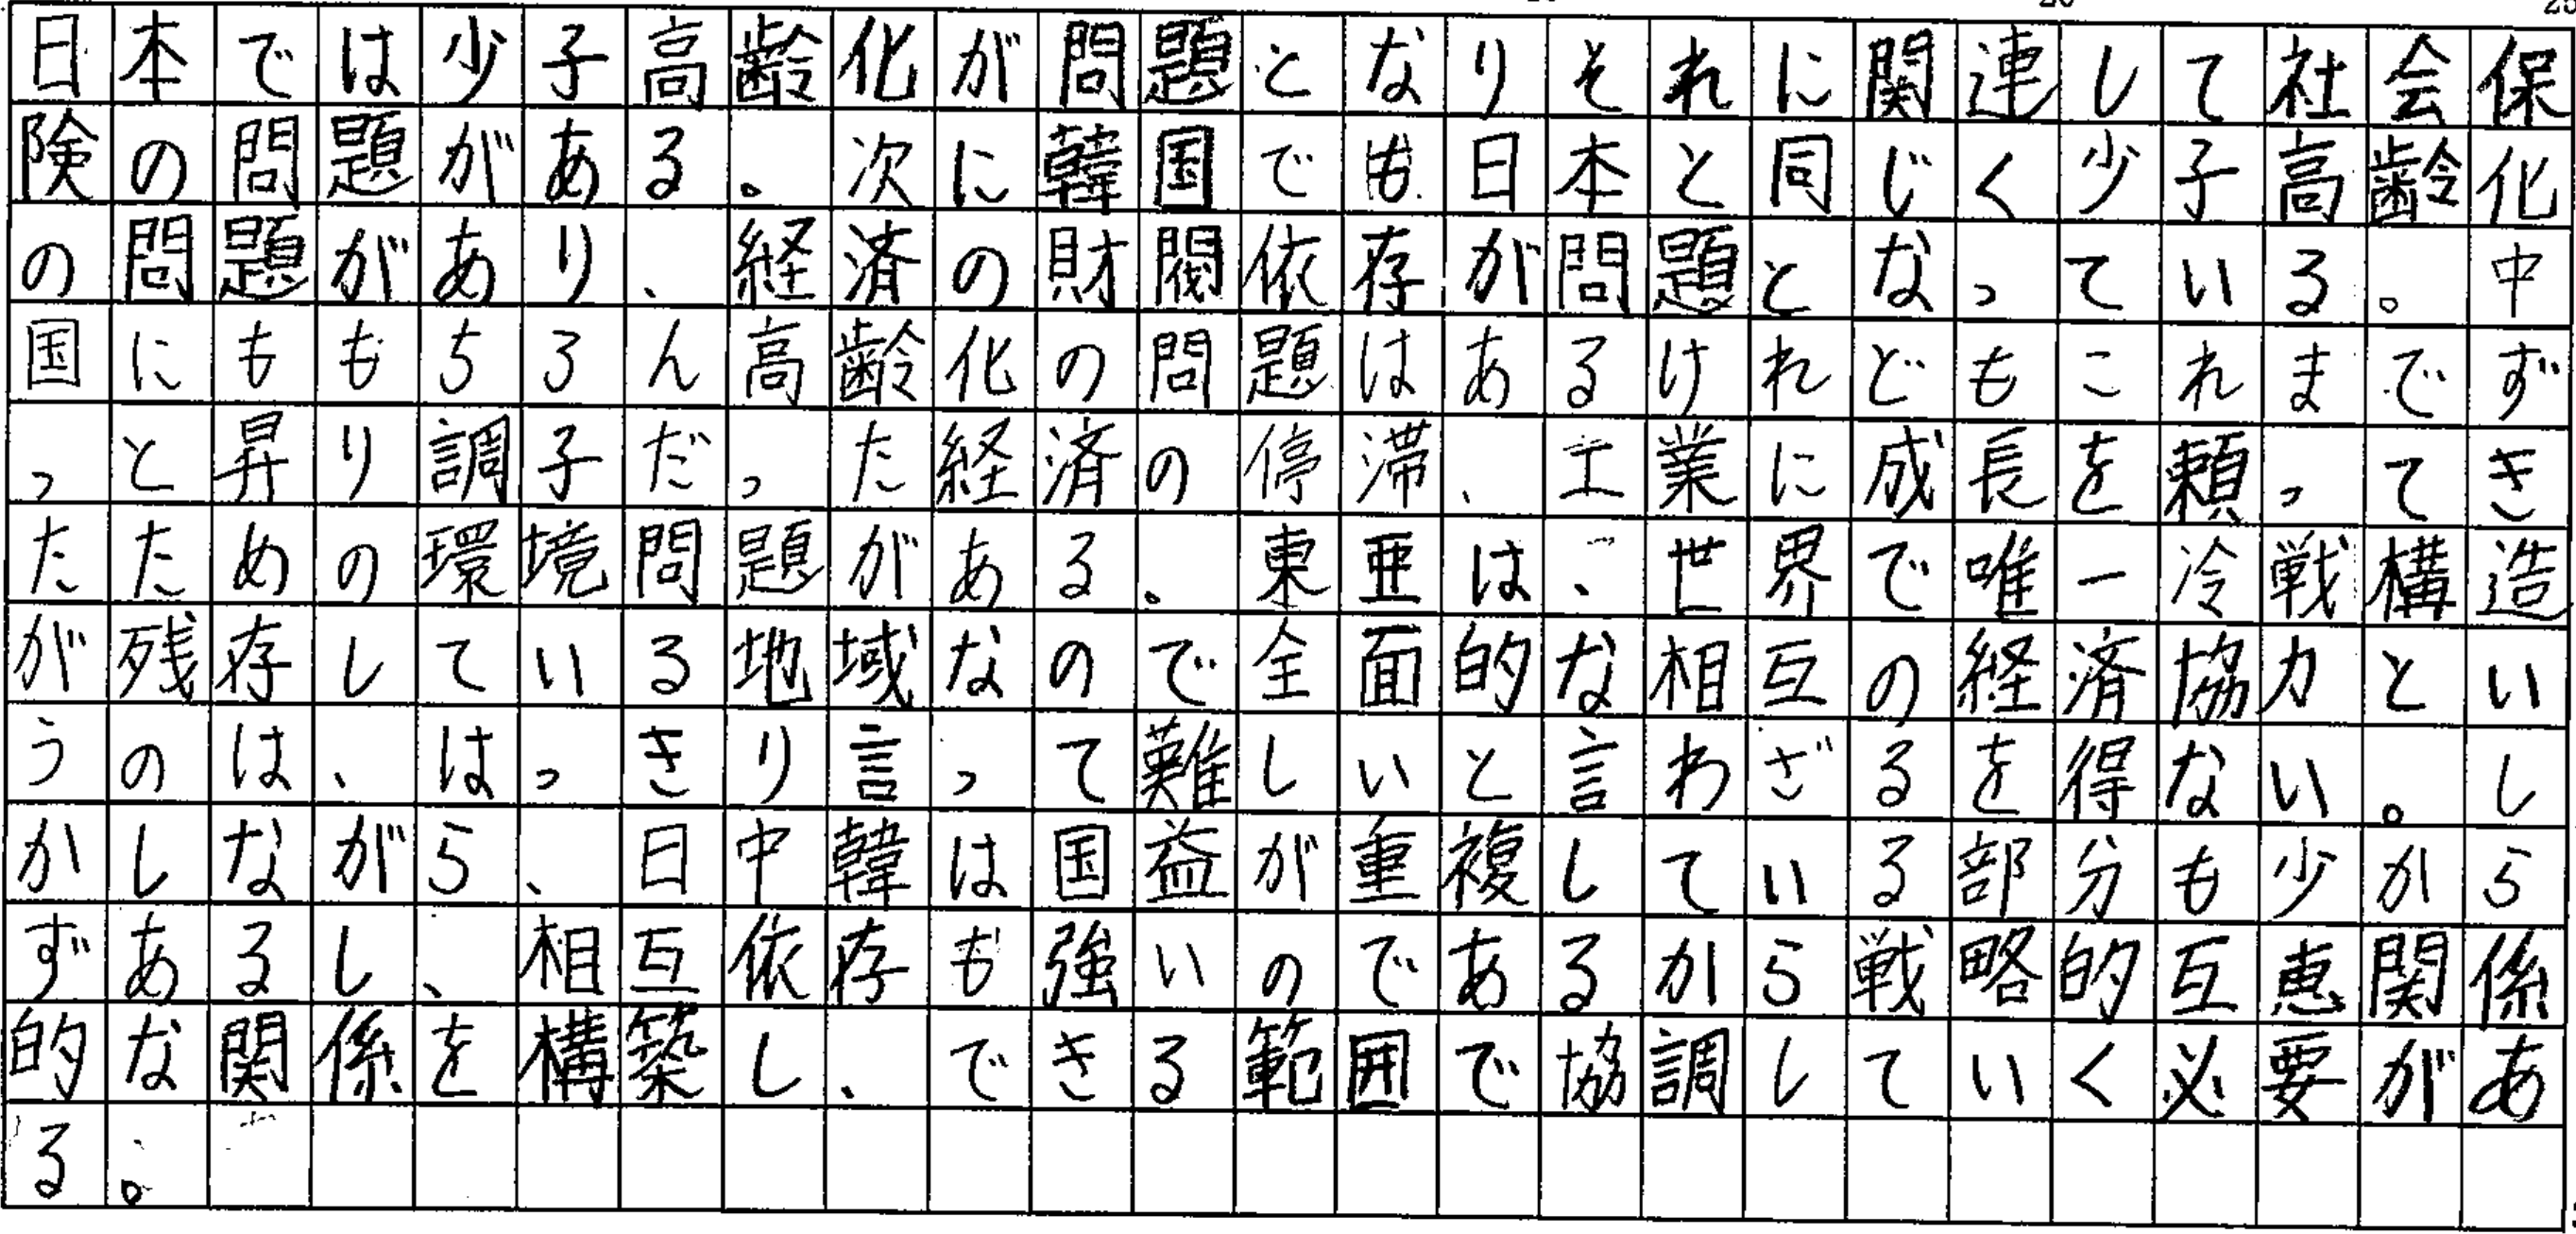日本では少子高齢化が問題となりそれに関連して社会保険の問題がある。次に韓国でも日本と同じく少子高齢化の問題があり、経済の財閥依存が問題となっている。中国にももちろん高齢化の問題はあるけれどもこれまでずっと昇り調子だった経済の停滞、工業に成長を頼ってきたための環境問題がある。東亜は、世界で唯一冷戦構造が残存している地域なので全面的な相互の経済協力というのは、はっきり言って難しいと言わざるを得ない。しかしながら、日中韓は国益が重複している部分も少からずあるし、相互依存も強いのであるから戦略的互恵関係的な関係を構築し、できる範囲で協調していく必要がある。
